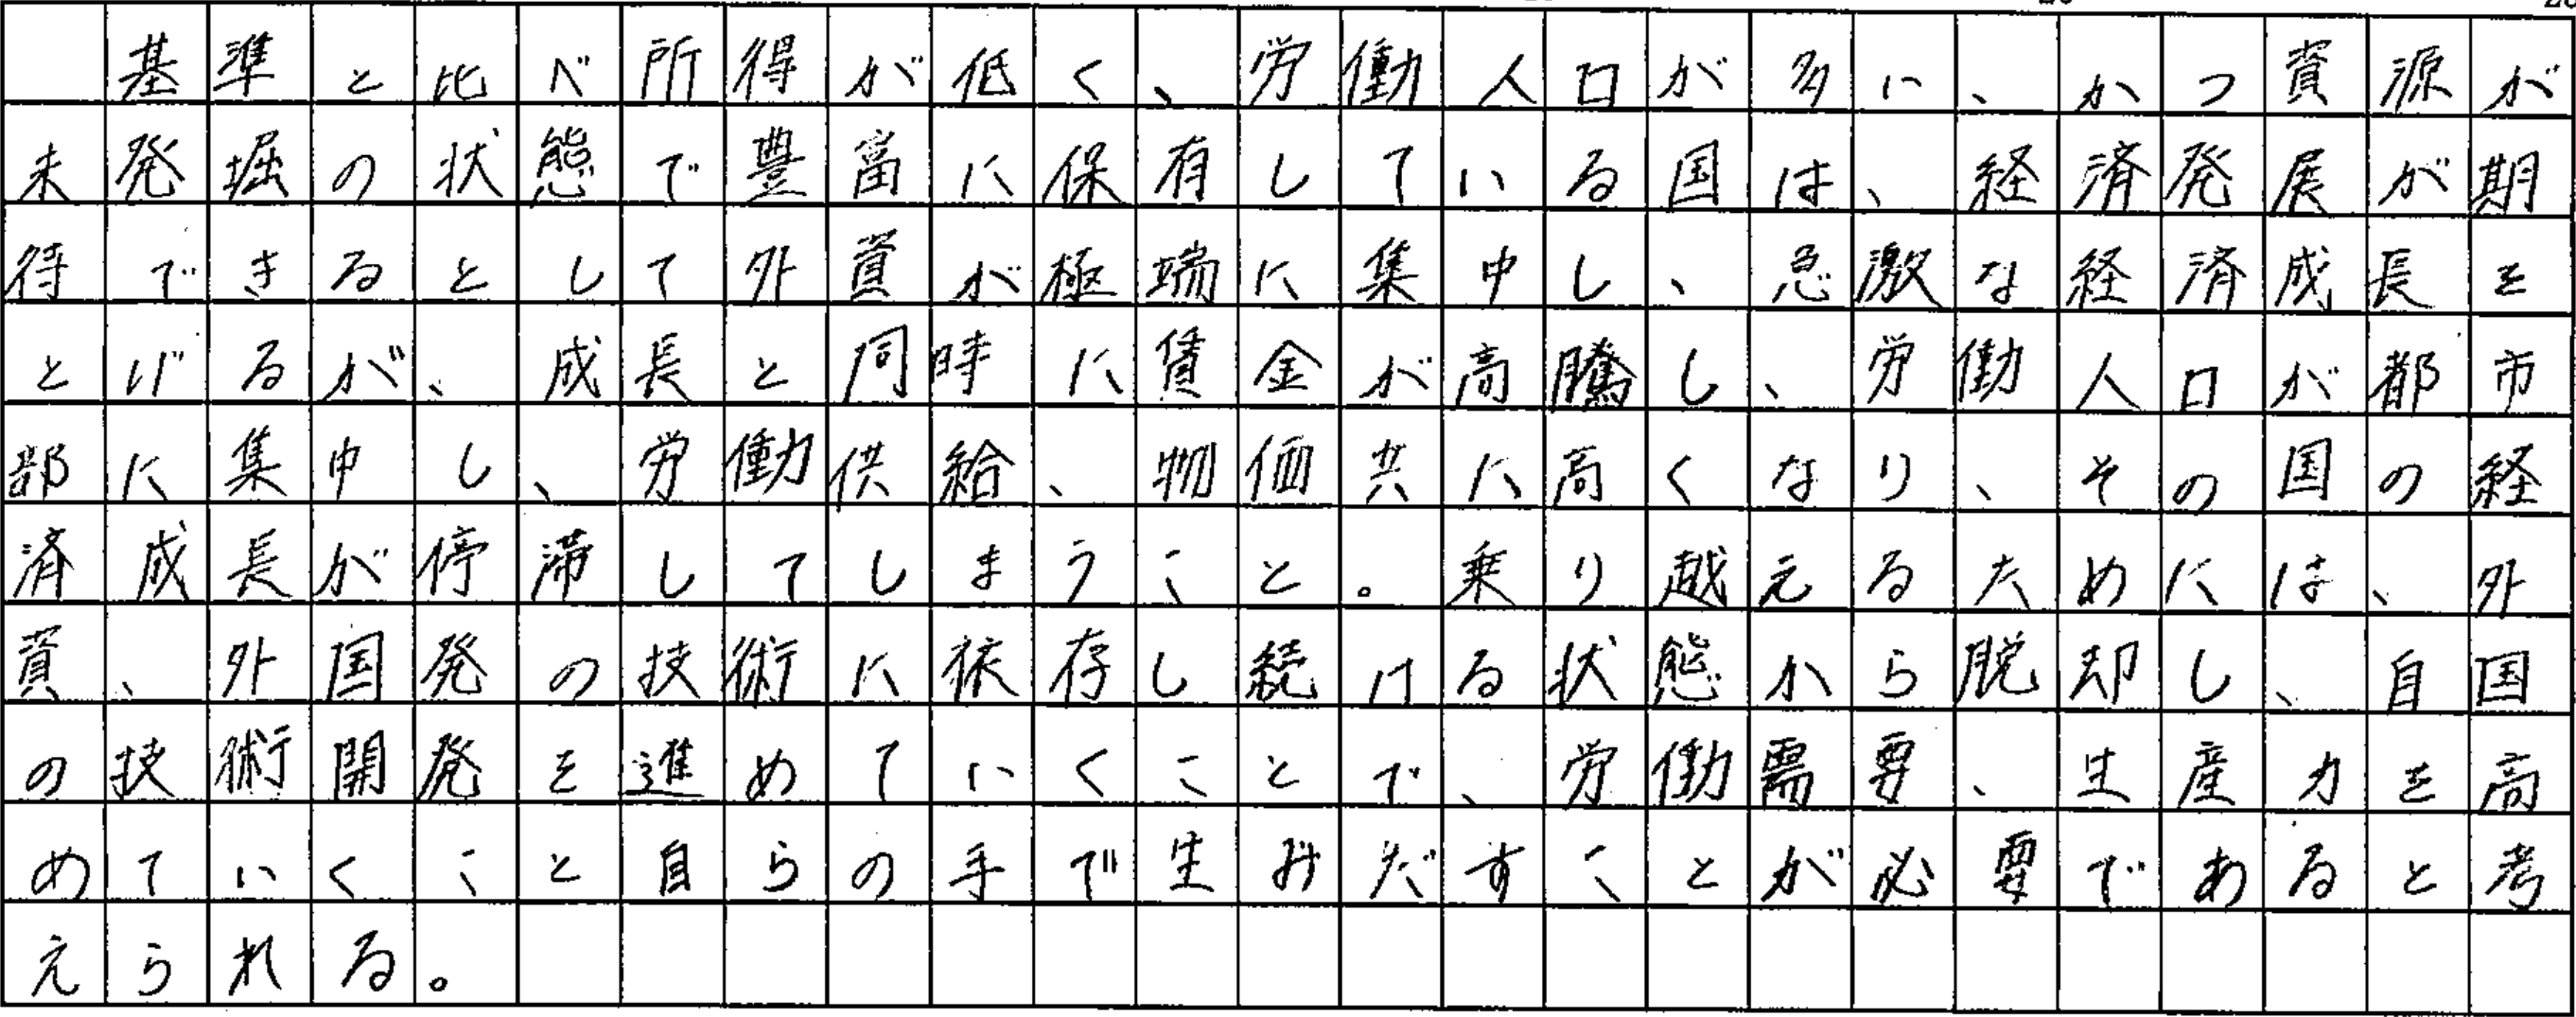　基準と比べ所得が低く、労働人口が多い、かつ資源が未発堀の状態で豊富に保有している国は、経済発展が期待できるとして外資が極端に集中し、急激な経済成長をとげるが、成長と同時に賃金が高騰し、労働人口が都市部に集中し、労働供給、物価共に高くなり、その国の経済成長が停滞してしまうこと。乗り越えるためには、外資、外国発の技術に依存し続ける状態から脱却し、自国の技術開発を進めていくことで、労働需要、生産力を高めていくこと自らの手で生みだすことが必要であると考えられる。
